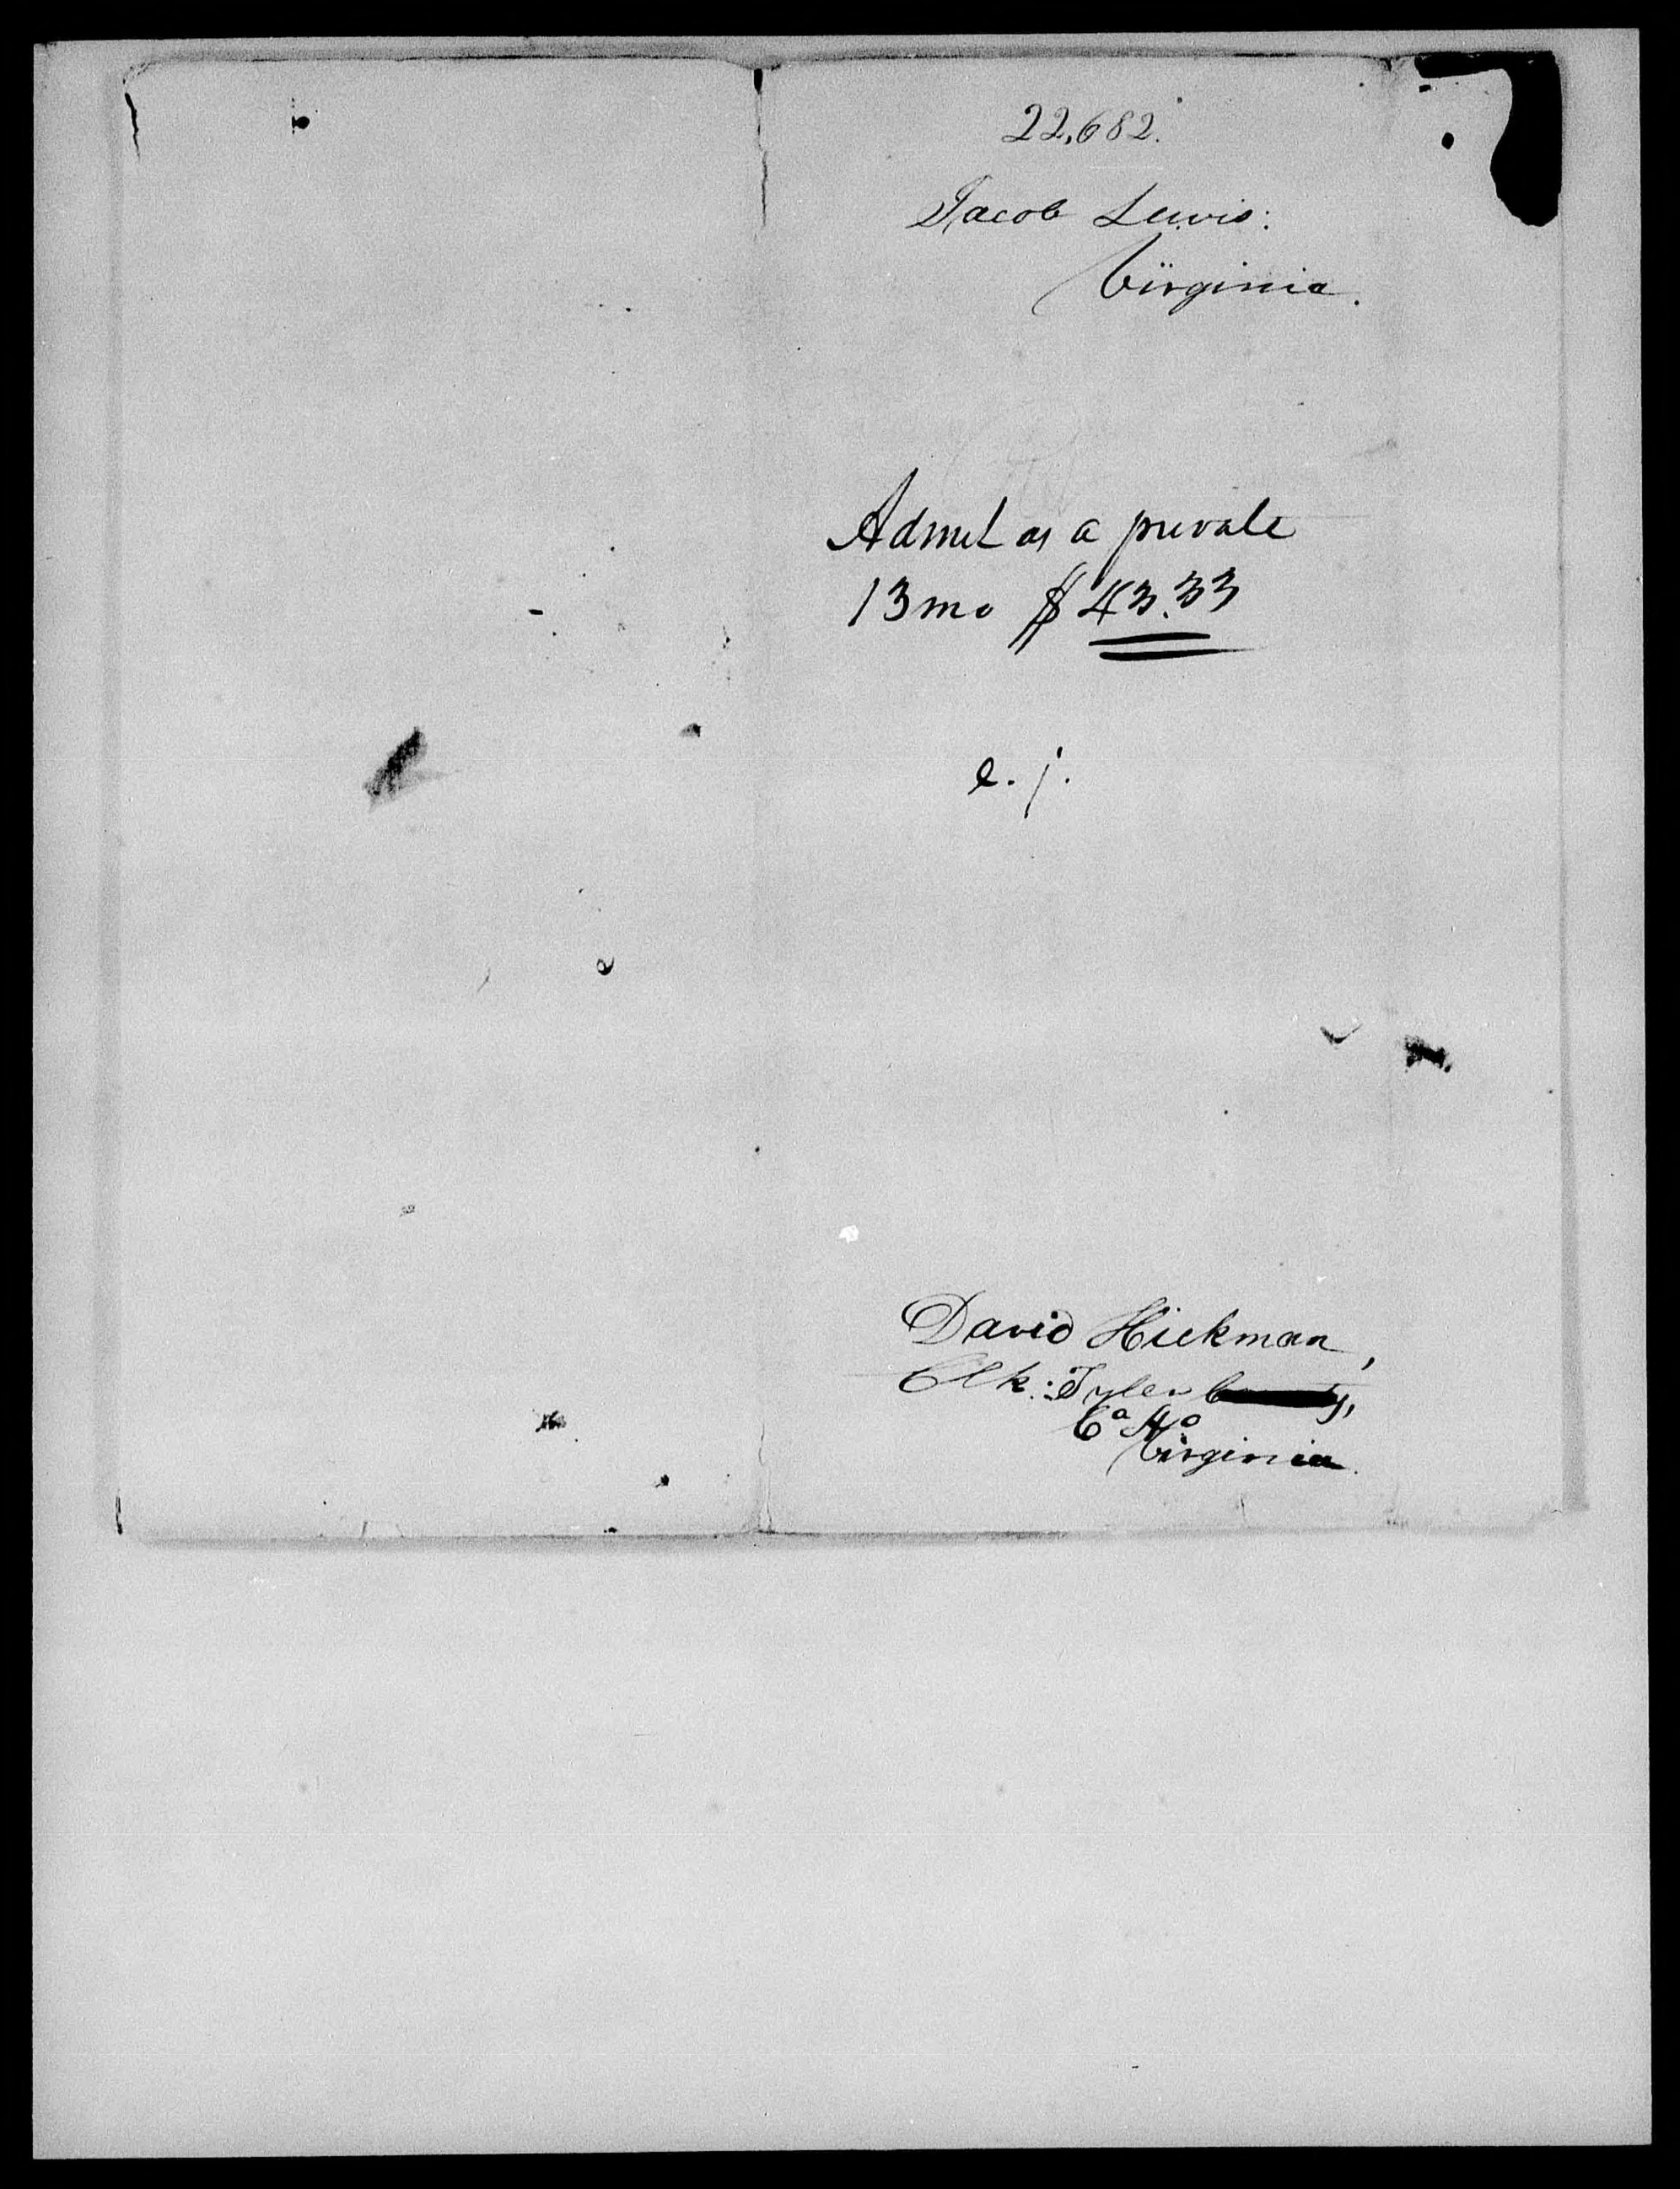22.682.
Jacob Lewis:
Virginia.

Ret

Admit as a private
13 mo $43.33
[ e.j.]

David Hickman,
Clk: Tyler County Co Ho  Virginia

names: David Hickman; Jacob Lewis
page: 16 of 69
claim: widow's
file: W 8044, for Jacob Lewis, Virginia